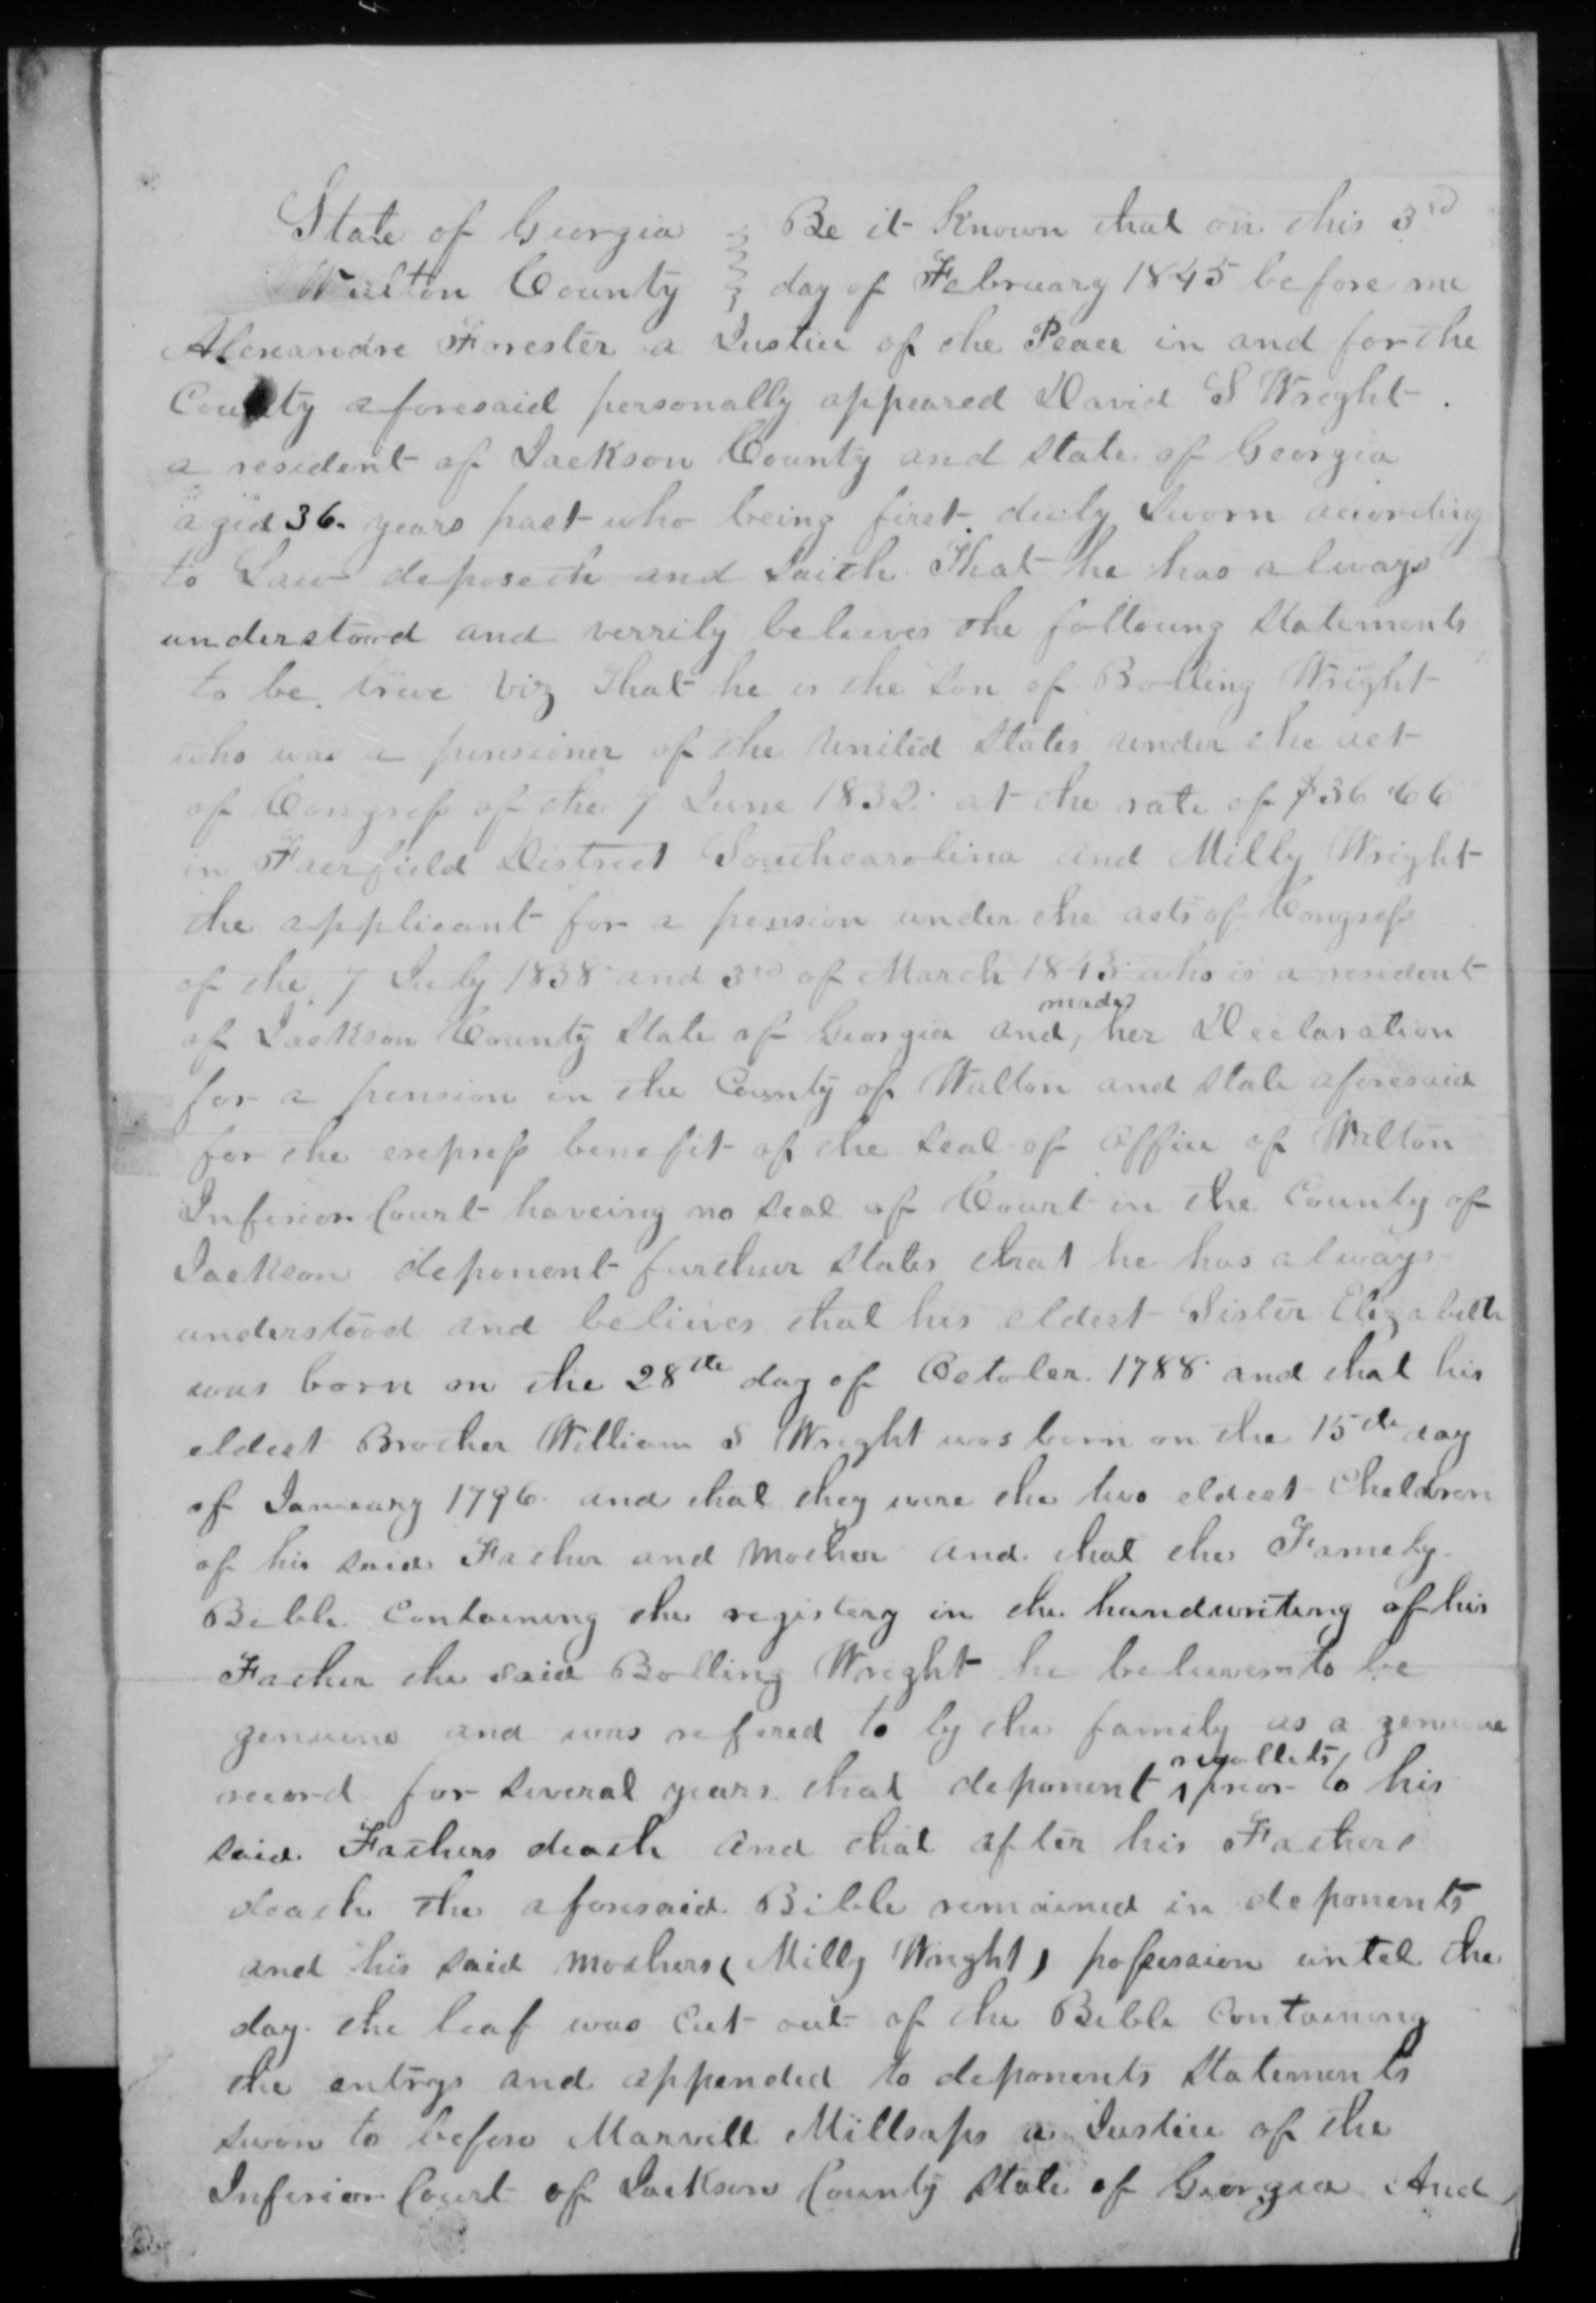State of Georgia
Walton County

Be it known that on this 3rd day of February 1845 before me Alexandre Forester a Justice of the Peace in and for the County aforesaid personally appeared David T. Wright - a resident of Jackson County and State of Georgia aged 36 years past who being first duly sworn according to Law deposeth and Saith That he has always understood and verrily believes the following statements to be true [illegible] That he is the son of Bolling Wright who was a pensioner of the United States under the act of Congress of the 7 June 1832 at the rate of $36.66 in Fairfield District South Carolina and Milly Wright the applicant for a pension under the Act of Congress of the 7 July 1838 and 3rd of March 1843 who is a resident of Jackson County State of Georgia and made her Declaration for a pension in the County of Walton and State aforesaid for the [illegible] benefit of the Seal of Office of Walton Inferior Court, having no seal of Court in the County of Jackson deponent further states that he has always understood and believes that his eldest sister Elizabeth was born on the 28th day of October 1788 and that his eldest Brother William S. Wright was born on the 15th day of January 1796 and that they were the two oldest children of his said Father and Mother and that the Family Bible containing the registry in the handwriting of his Father the said Bolling Wright - he believes to be genuine and  was referred to by the family as a genuine record for several years that deponent [illegible] prior to his said fathers death and that after his Fathers death the aforesaid Bible remained in deponents and his said Mothers (Milly Wright) possession until the day the leaf was cut out of the Bible containing the entry and appended to deponents Statements sworn to before Marrill Millers a Justice of the Inferior Court of Jackson County State of Georgia and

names: Elizabeth, William S Wright, Bolling Wright, David T Wright, Alexandre Forester, Milly Wright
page: 31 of 81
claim: widow's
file: W. 5183, Bolling Wright, Va.